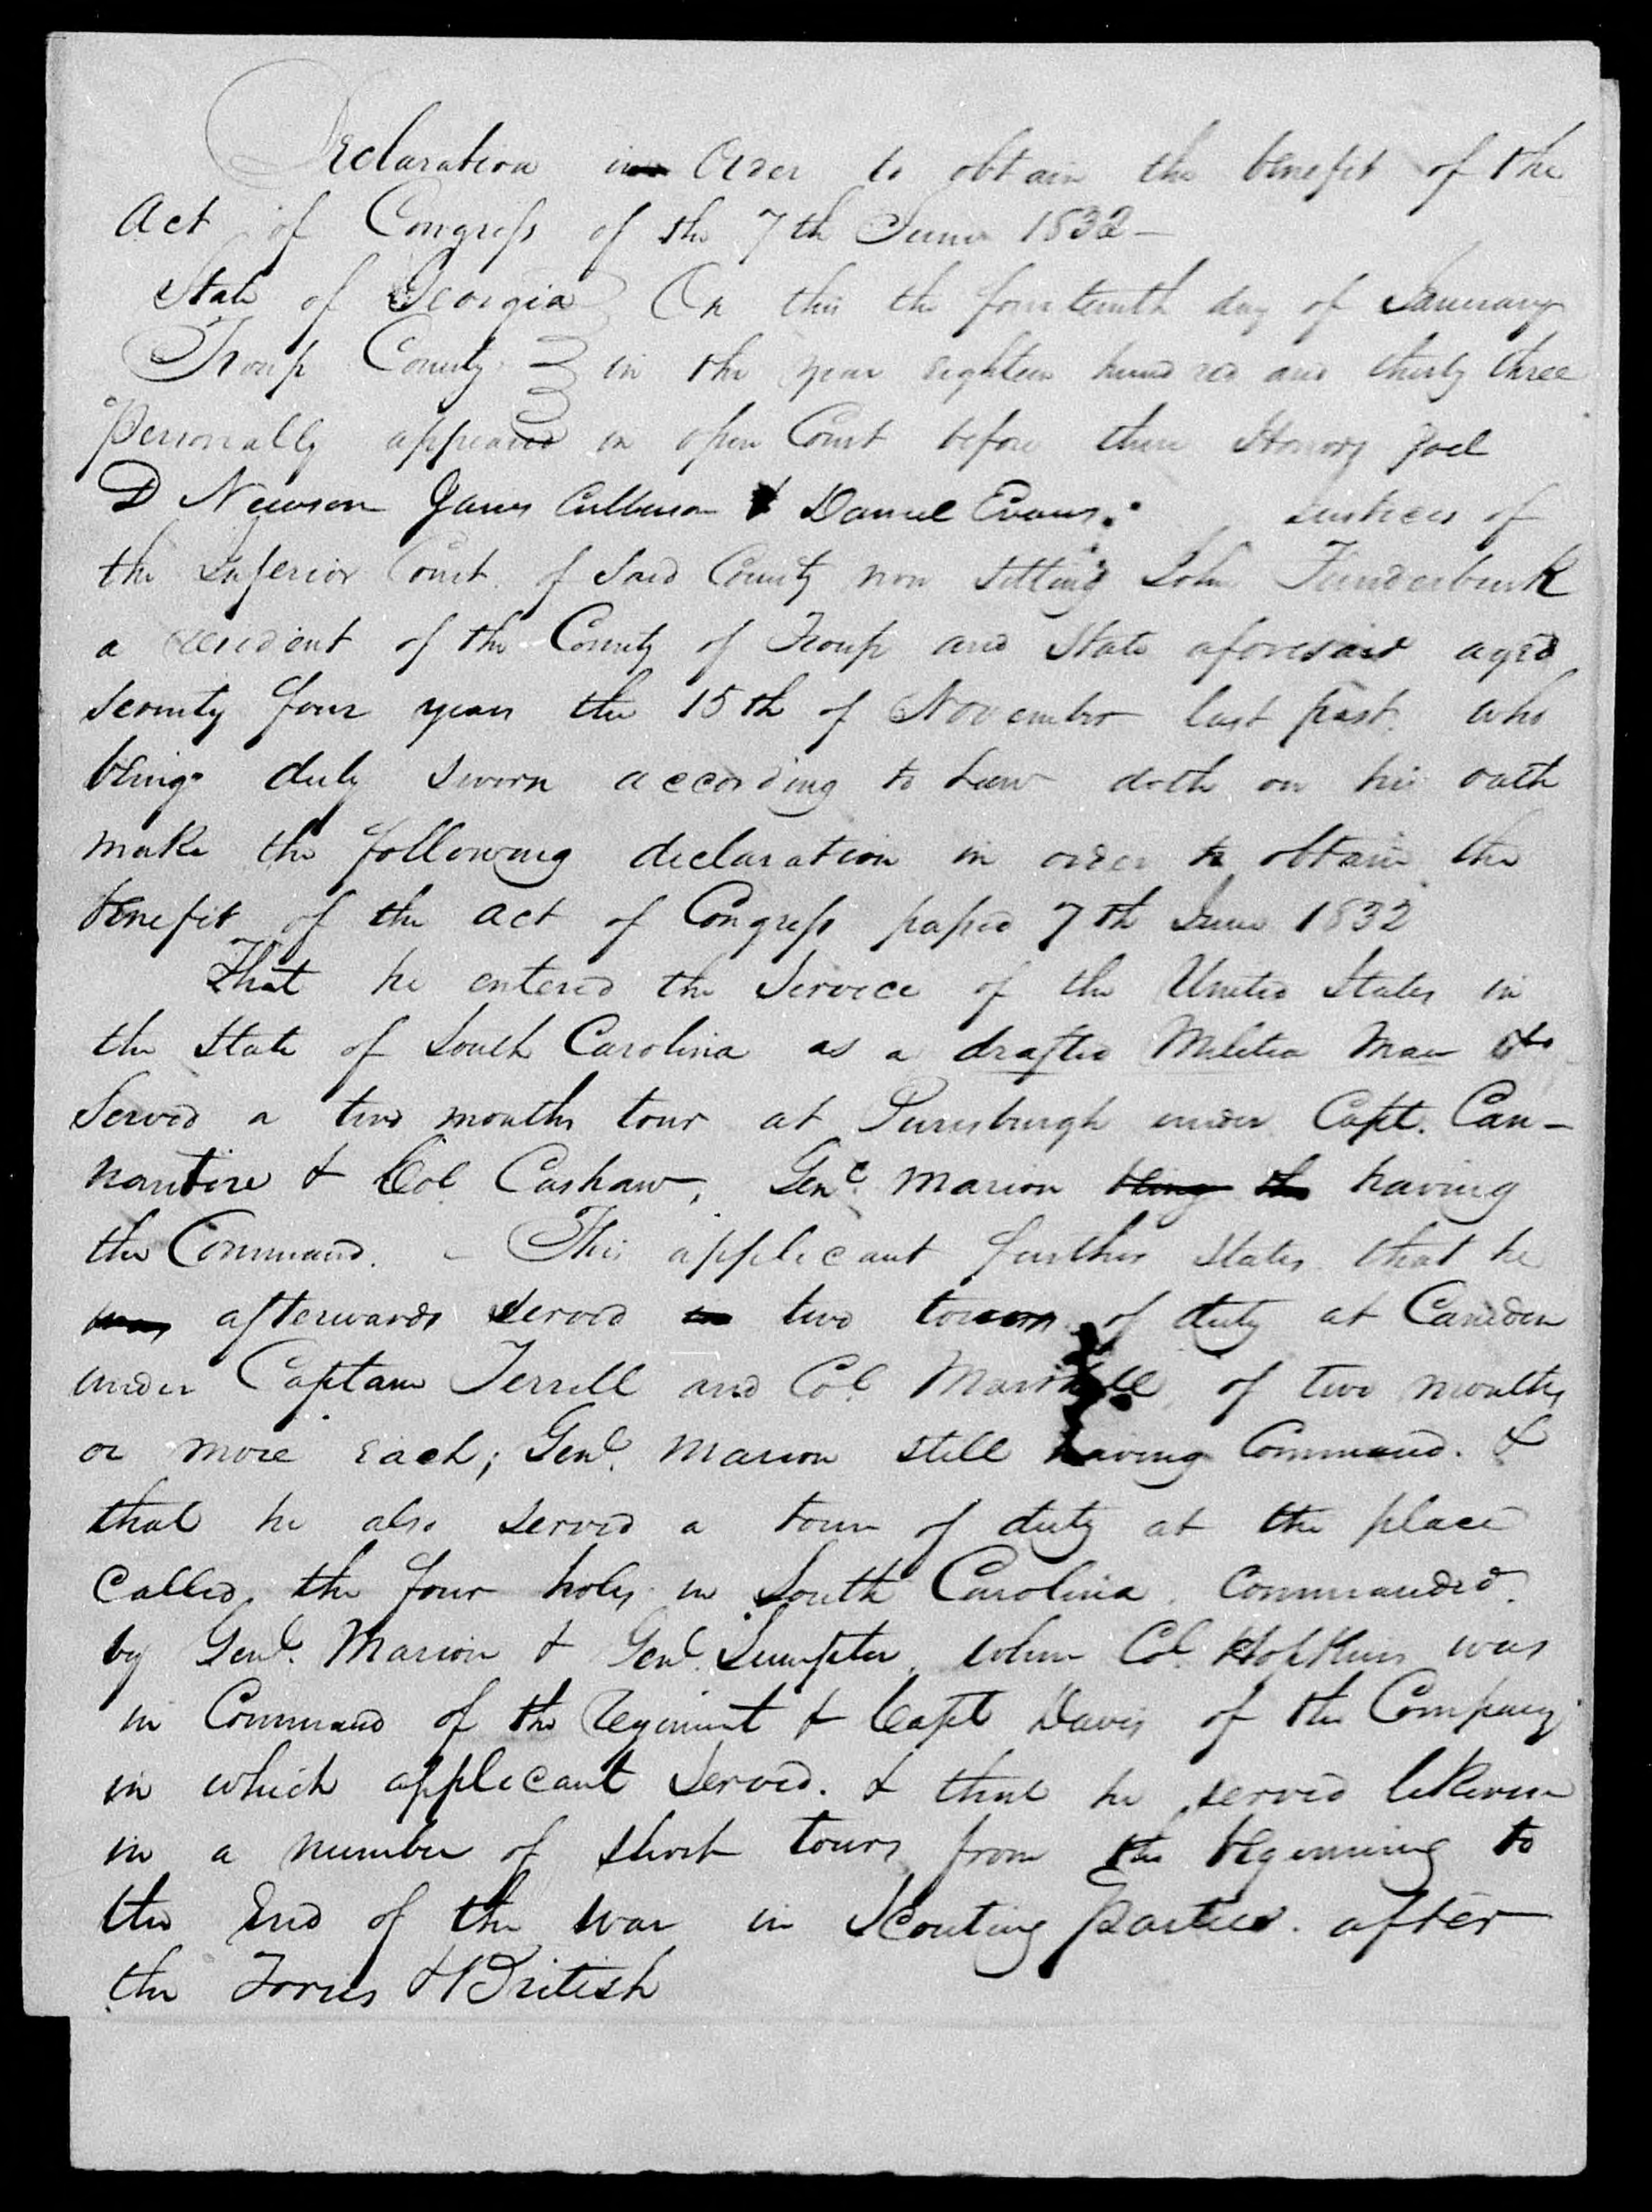Declaration in Order to obtain the benefit of the 
Act of Congress of the 7th June 1832 --
State of Georgia
Troup County

On this the fourteenth day of January
in the year eighteen hundred and thirty three
in open Court before there Honors Joel
D. Newson James Culberson & Daniel Evans:
the Inferior Court of Said County now sitting John Funderburk
a resident of the County of Troup and State aforesaid aged
seventy four years the 15th of November last past who
makes the following declaration in order to obtain the
benefit of the act of Congress passed 7th June 1832

That he entered the Service of the United States in
the State of South Carolina as a drafted Militia Man &
served a two months tour at Purisburgh under Capt. Can-
nantire & Col. Cashaw, Genl. Marion having 
the Command. This applicant further states that he
afterwards served two tours of duty at Camden
under Captain Terrell and Col. Marshall of two months
or more each; Genl. Marson still having Command. &
that he also served a tour of duty at the place
called the four holes in South Carolina commanded.
by Genl. Marion & Genl. Sumpter. When Col. Hopkins was
in Command of the Regiment & Capt Davis of the Company
in which applicant Served. & that he served likewise
in a number of short tours from the beginning to 
the End of the war in Scouting parties. after
the Tories & British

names: Terrell, Hopkins, Cannantire, Marshall, Sumpter, Marion, Joel D Newson, Marion, Davis, Janes Cubberson, Marion, John Funderburk, Daniel Evans, Cashaw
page: 4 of 23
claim: survivor's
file: S. 31,682, John Funderbuck, S.C.